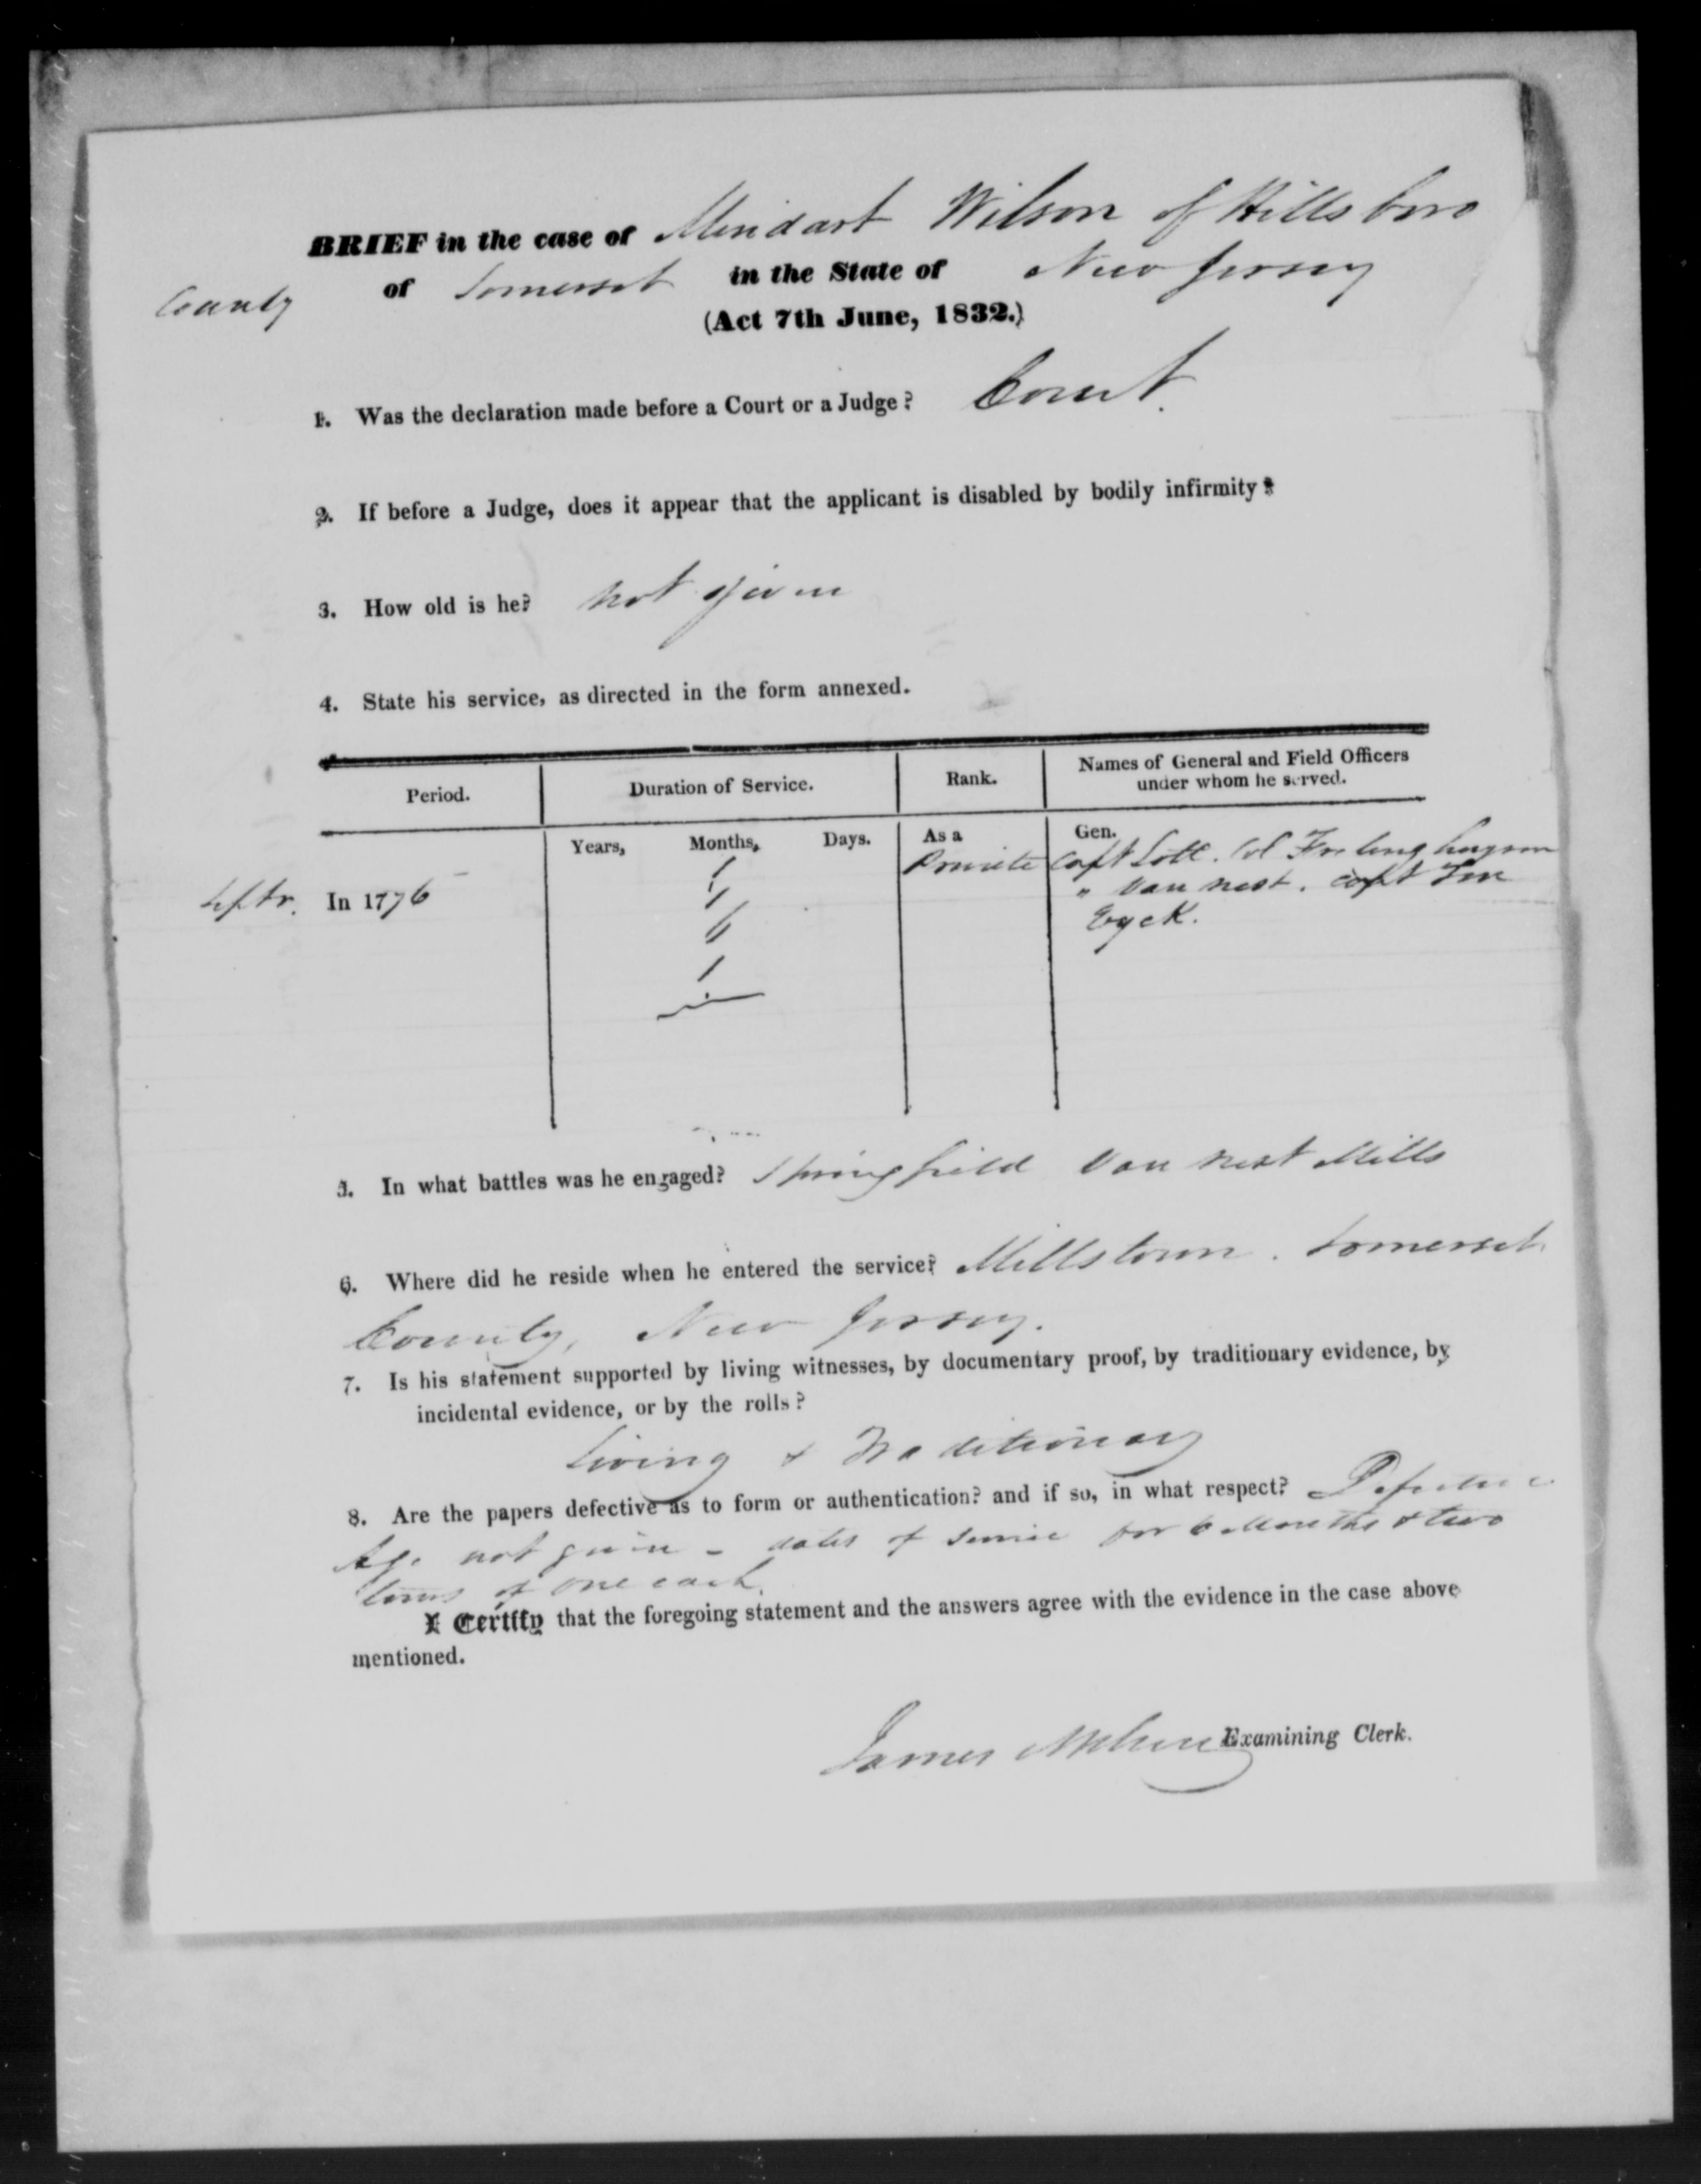BRIEF in the case of Mindart Wilson of Hillsboro County
of Somerset in the State of New Jersey
(Act 7th June, 1832.)

1. Was the declaration made before a Court or a Judge? Court

2. If before a Judge, does it appear that the applicant is disabled by bodily infirmity?

3. How old is he? not given

4. State his service, as directed in the form annexed.

[Table, 4 columns, headings:]
Period. | 
Duration of Service. Years, Months, Days. | 
Rank. As a |
Names of General and Field Officers
under whom he served. Gen.

Septr. In 1776 | 5 1 6 1 | Private | Capt Lott Col Frelinghuysen
Van nest, Capt Ten Eyck.

5. In what battles was he engaged?
Springfield Van Nest Mills

6. Where did he reside when he entered the service?
Millstown, Somerset County, New Jersey.

7. Is his statement supported by living witnesses, by documentary proof, by traditionary evidence, by incidental evidence, or by the rolls?
living & Traditionary

8. Are the papers defective as to form or authentication? and if so, in what respect?
Defective Age not given, dates of service for 6 months & two tours of one each.

I certify that the foregoing statement and the answers agree with the evidence in the case above mentioned.

James Mahon Examining Clerk.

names: James Wilson, Frelinghuysen, Lott, Van Nest, Mindart Wilson, Ten Eyck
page: 4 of 40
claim: survivor's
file: S. 3564, Mindart Wilson, New Jersey